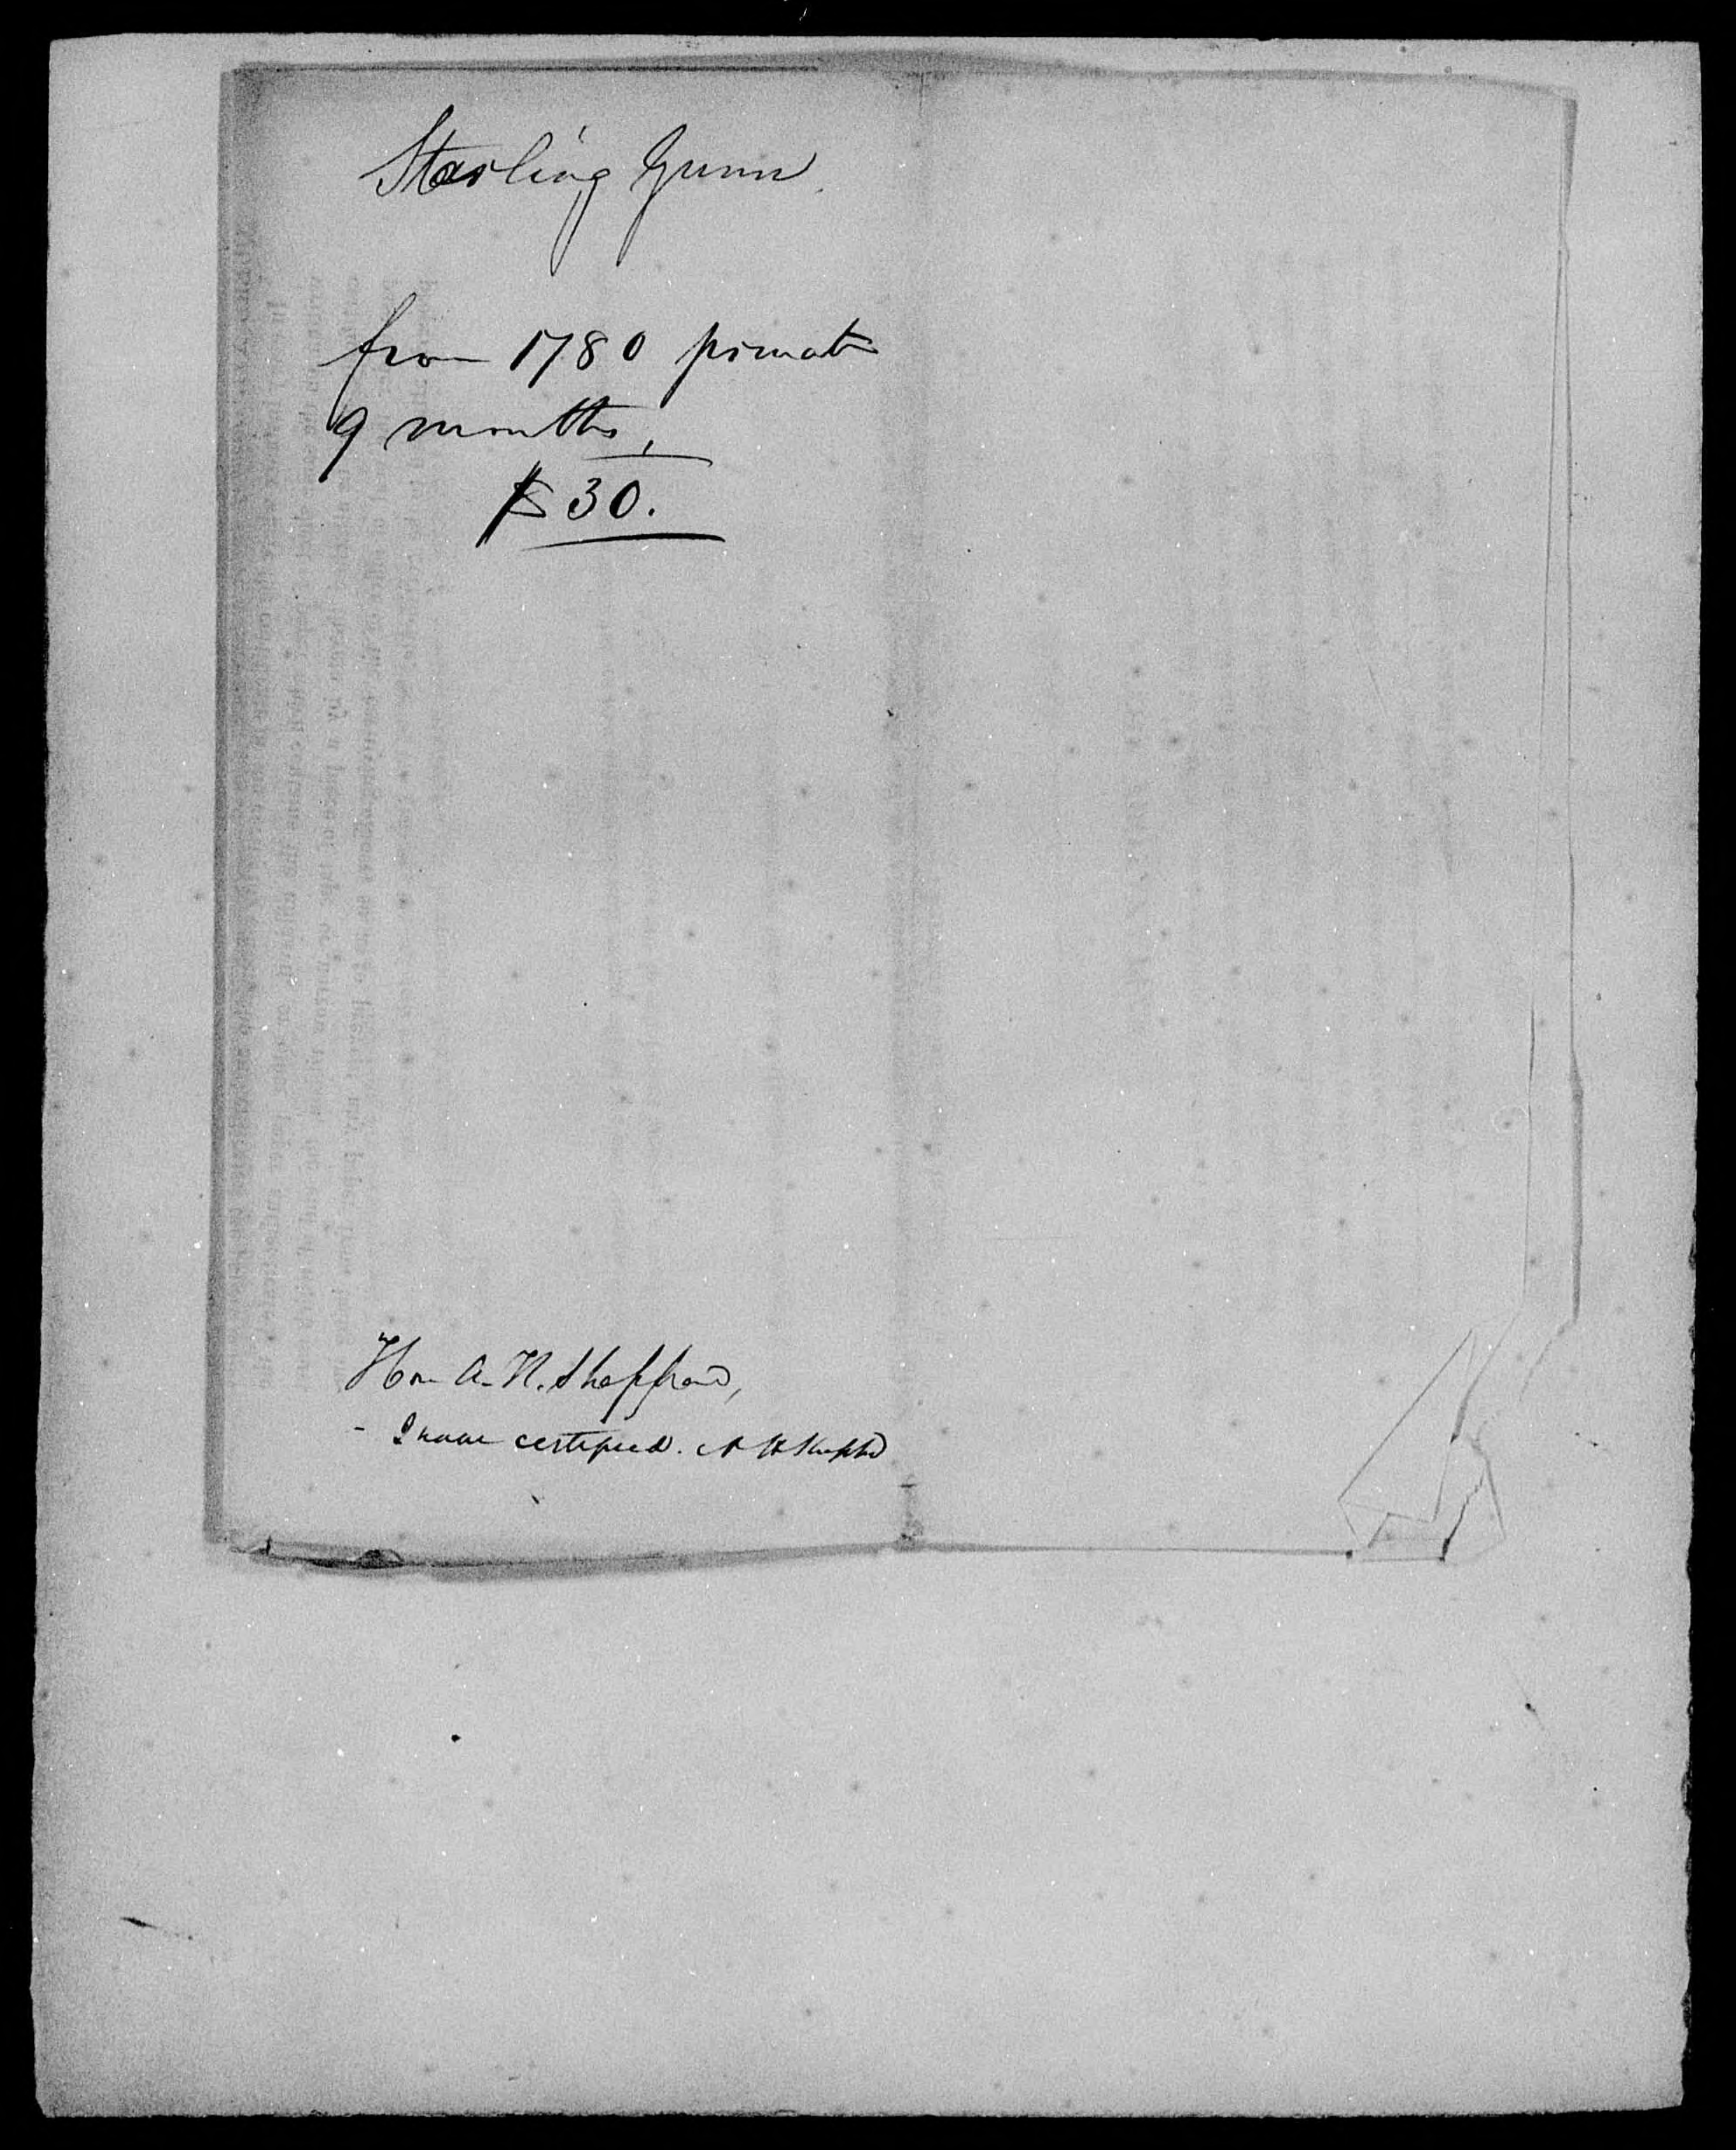Starling Gunn 
from 1780 private
9 months.
$30.

Hon. A.N. Sheppard,
I have certified.  AN Shepperd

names: Starling Gunn, A H Sheppeard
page: 13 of 58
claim: survivor's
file: S. 6,941, Starling Gunn, Continental Va.